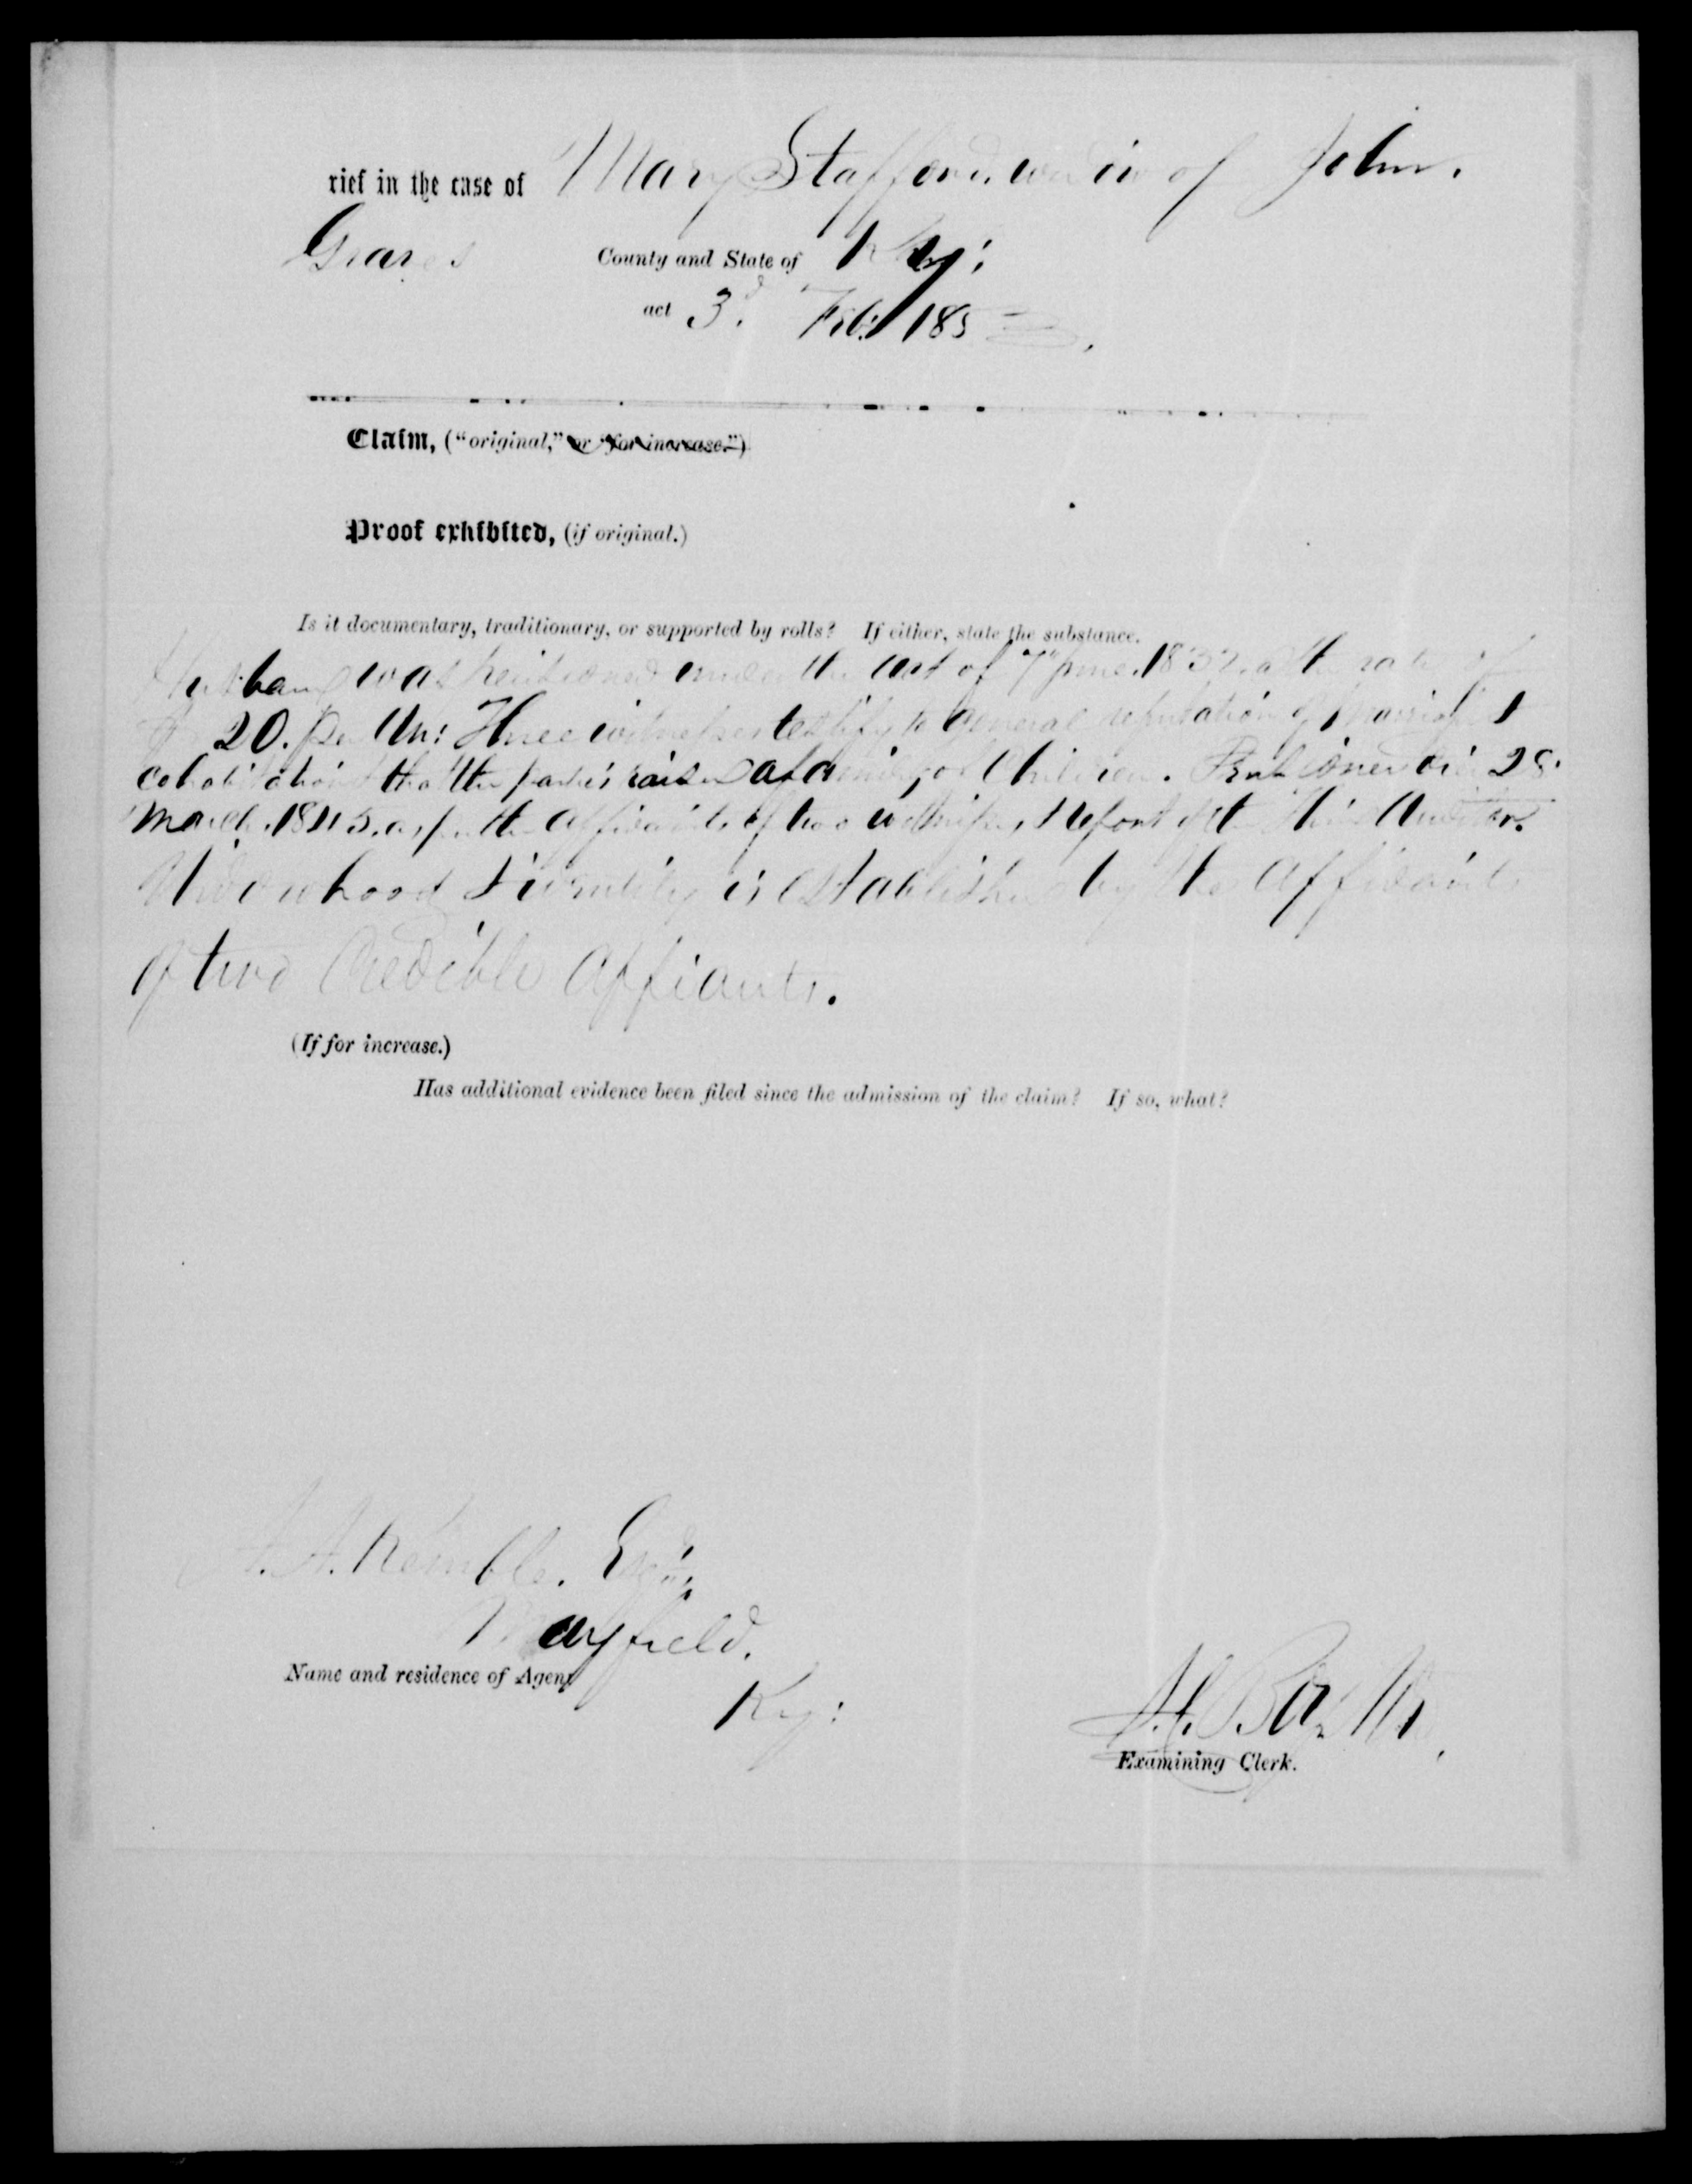rief in the case of Mary Stafford widow of John.
Graves County and State of Ky:
act 3rd Feb. 1853.

Claim, (“original,” or “for increase.”)

Proof exhibited, (if original.)

Is it documentary, traditionary, supported by rolls?

Husband was pensioned under the Act of 7th June 1832 at the rate of $20. Per An: Three witnefses testify to general reputation of marriage & cohabitation & tho the partie’s raised a family or Children. Pensioner died 28 March, 1845, as per the Affidavits of two witnefses, & first of the {undecipherable) Anderson. Widowhood identity is established by the Affidavits of two Credible Affiants.

(If for increase.)
	Has additional evidence been filed since the admission of the claim? If so what?

A. A. Kemble, Esq.
Mayfield, Ky:
Name and residence of Agent

S. C. Boynton,
Examining Clerk.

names: Mary Stafford; A A Kemble; John Graves; S C Boyton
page: 34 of 61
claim: widow's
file: W. 11554, for John Stafford, Maryland